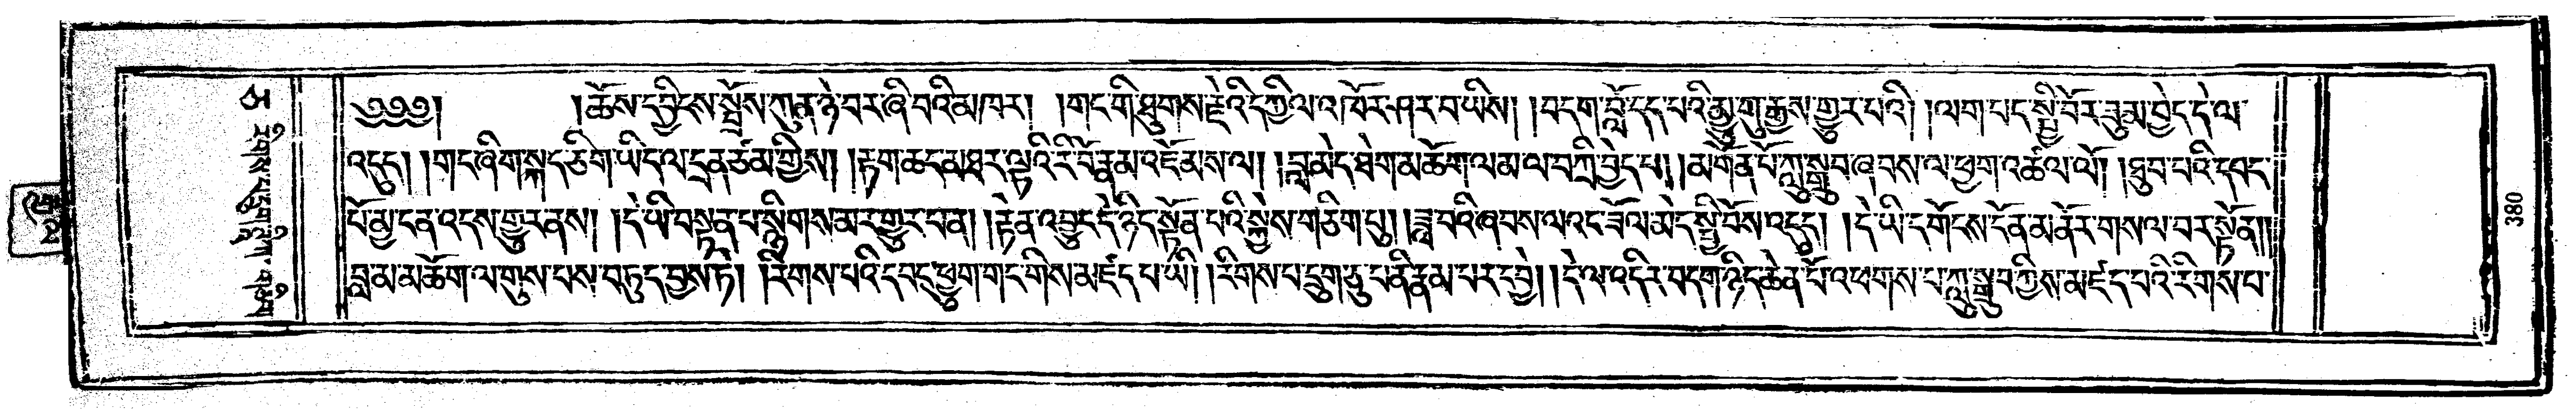༄༅༅། །ཆོས་དབྱིངས་སྤྲོས་ཀུན་ཉེ་བར་ཞི་བའི་མཁར། །གང་གི་ཐུགས་རྗེའི་དཀྱིལ་འཁོར་ཤར་བ་ཡིས། །བདག་བློ་དད་པའི་མྱུ་གུ་རྒྱས་གྱུར་པའི། །ལག་པད་སྤྱི་བོར་ཟུམ་བྱེད་དེ་ལ་
འདུད། །གང་ཞིག་སྐད་ཅིག་ཡིད་ལ་དྲན་ཙམ་གྱིས། །རྟག་ཆད་མཐར་ལྟའི་རི་བོ་རྣམ་འཇོམས་ལ། །བླ་མེད་ཐེག་མཆོག་ལམ་ལ་བཀྲི་བྱེད་པ། །མགོན་པོ་ཀླུ་སྒྲུབ་ཞབས་ལ་ཕྱག་འཚལ་ལོ། །ཐུབ་པའི་དབང་
པོ་མྱ་ངན་འདས་གྱུར་ནས། །དེ་ཡི་བསྟན་པ་སྙིགས་མར་གྱུར་པ་ན། །རྟེན་འབྱུང་དེ་ཉིད་སྟོན་པའི་སྐྱེས་གཅིག་པུ། །ཟླ་བའི་ཞབས་ལའང་ཟོལ་མེད་སྤྱི་བོས་འདུད། །དེ་ཡི་དགོངས་དོན་མ་ནོར་གསལ་བར་སྟོན།།
བླ་མ་མཆོག་ལ་གུས་པས་བཏུད་བྱས་ཏེ། །རིགས་པའི་དབང་ཕྱུག་གང་གིས་མཛད་པ་ཡི། །རིགས་པ་དྲུག་ཅུ་པ་ནི་རྣམ་པར་དབྱེ། །དེ་ལ་འདིར་བདག་ཉིད་ཆེན་པོ་འཕགས་པ་ཀླུ་སྒྲུབ་ཀྱིས་མཛད་པའི་རིགས་པ་